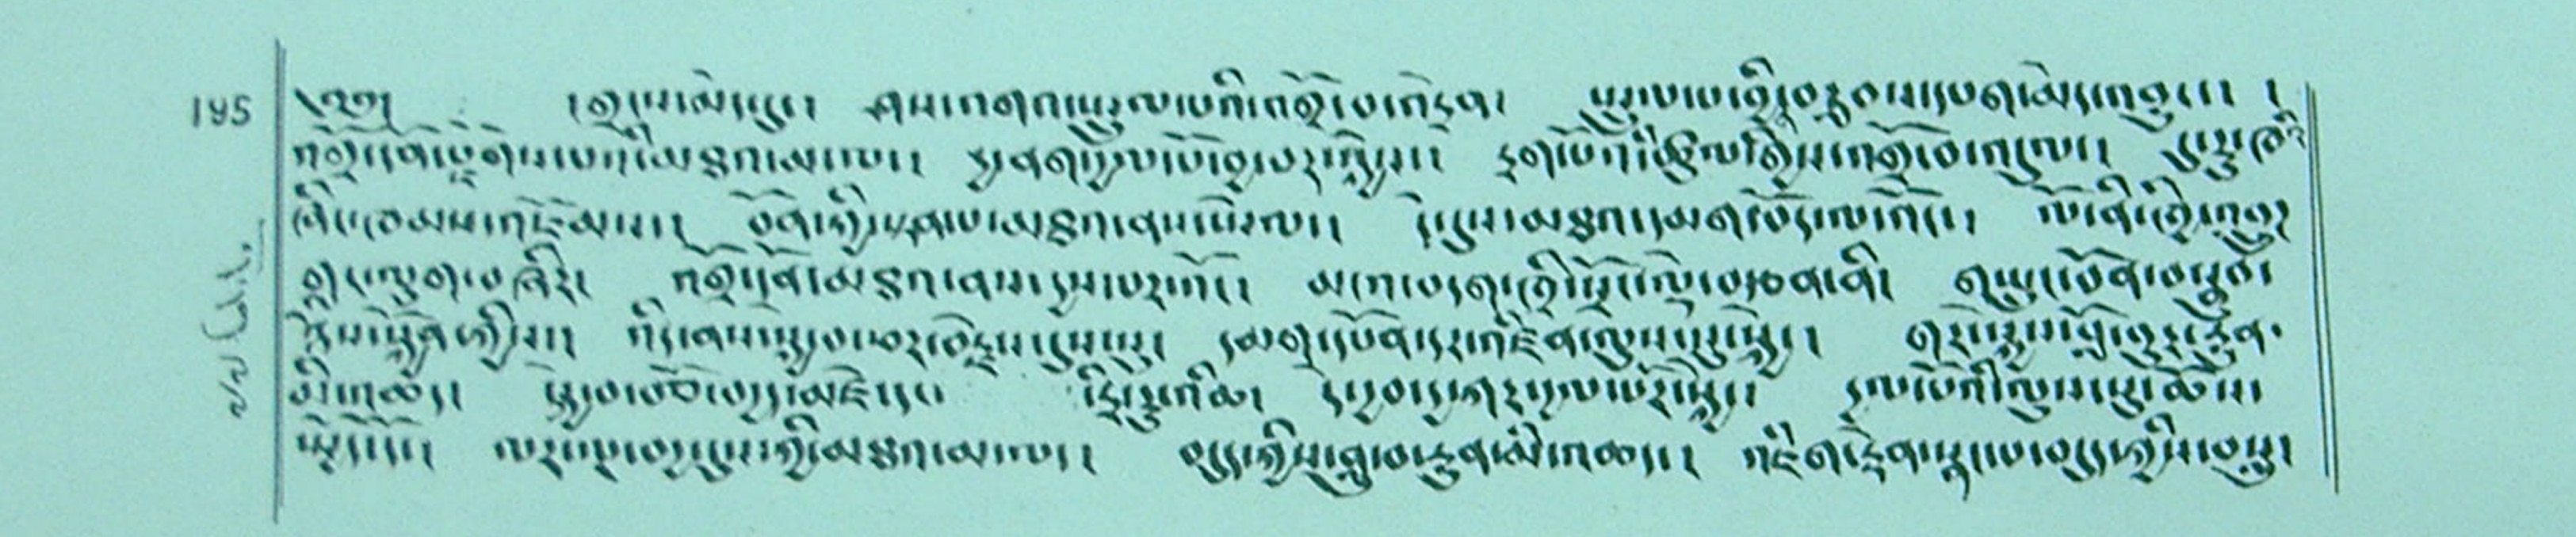༄༅། །གྲངས་མེད་དུ། ཤས་འགའ་སྤྲུལ་པའི་འགྲོ་བ་འདྲེན། སྤྲུལ་པ་བྱིན་རླབས་དཔག་མེད་འབྱུང་། 
འགྲོ་དོན་རྫོགས་པའི་མཐའ་མ་ལ། རྒྱ་ནག་རྒྱལ་པོ་བྱ་བར་སྐྱེས། དྲག་པའི་ཚུལ་གྱིས་འགྲོ་བ་འདུལ། དུ་རུ་ཁའི་
ཞིང་ཁམས་འཇོམས། བོན་གྱི་བསྟན་པ་མཐའ་ནས་སྤེལ། དེ་དུས་མཐའ་དམག་བོད་ལ་འོང་། ལོ་ནི་ཁྱི་འབྲུག་
གླང་ལུག་བཞིར། འགྲོ་དོན་མཐའ་ནས་རྒྱས་པར་འོང་། མངའ་བདག་ཁྲི་སྲོང་ལྡེ་བཙན་ནི། གཡུང་དྲུང་བོན་བསྣུབས་
ཉེས་སྐྱོན་གྱིས། འདི་ནས་སྐྱེ་བ་ཕར་བརྗེས་དུས་སུ། དམག་དཔོན་དར་འཛིན་ལུས་སུ་སྐྱེ། གར་སྐྱེས་གློ་བུར་རྒྱུན་
མི་ཆད། སྐྱེ་བ་བཅོ་བརྒྱད་མཛེ་དང་དྲི་རུ་འཆི། དེ་རྒྱབ་རྒྱ་གར་རྒྱལ་པོར་སྐྱེ། རྒྱལ་བོའི་ལུས་སུ་ཆོས་
སྤྱོད་དོ། །ལར་ལྔ་བརྒྱ་དུས་ཀྱི་མཐའ་མ་ལ། བདུད་ཀྱིས་བསླུ་བ་རྒྱུན་མི་ཆད། འཇིག་རྟེན་སྣང་བ་བདུད་ཀྱིས་བསླུ།